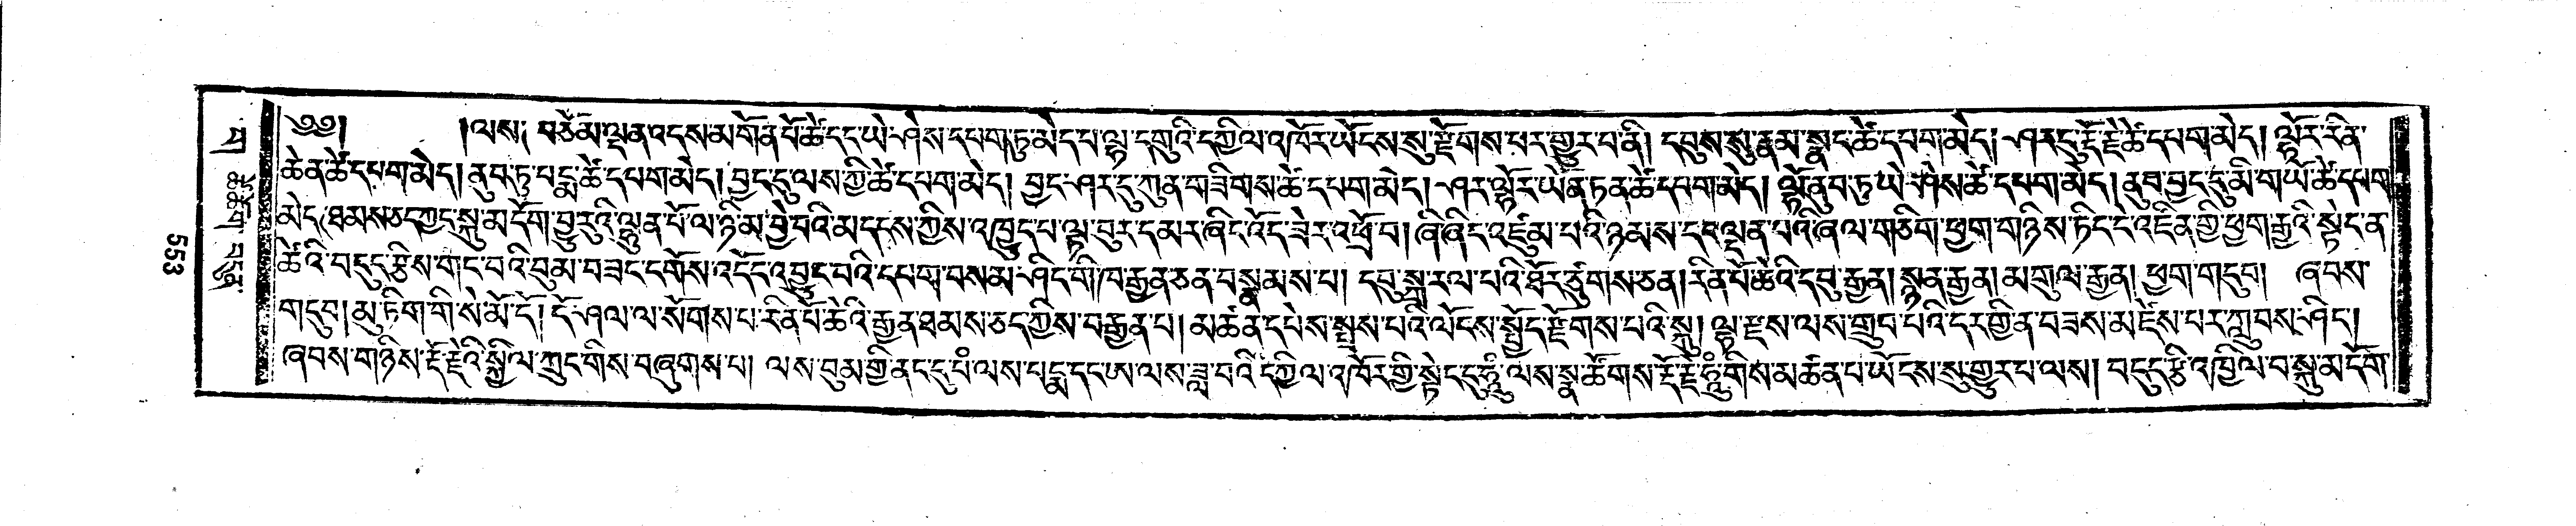༄༅། །ལས། བཅོམ་ལྡན་འདས་མགོན་པོ་ཚེ་དང་ཡེ་ཤེས་དཔག་ཏུ་མེད་པ་ལྷ་དགུའི་དཀྱིལ་འཁོར་ཡོངས་སུ་རྫོགས་པར་གྱུར་པ་ནི། དབུས་སུ་རྣམ་སྣང་ཚེ་དཔག་མེད། ཤར་དུ་རྡོ་རྗེ་ཚེ་དཔག་མེད། ལྷོར་རིན་
ཆེན་ཚེ་དཔག་མེད། ནུབ་ཏུ་པདམ་ཚེ་དཔག་མེད། བྱང་དུ་ལས་ཀྱི་ཚེ་དཔག་མེད། བྱང་ཤར་དུ་ཀུན་གཟིགས་ཚེ་དཔག་མེད། ཤར་ལྷོར་ཡོན་ཏན་ཚེ་དཔག་མེད། ལྷོ་ནུབ་ཏུ་ཡེ་ཤེས་ཚེ་དཔག་མེད། ནུབ་བྱང་དུ་མི་གཡོ་ཚེ་དཔག་
མེད། ཐམས་ཅད་ཀྱང་སྐུ་མདོག་བྱུ་རུའི་ལྷུན་པོ་ལ་ཉི་མ་བྱེ་བའི་མདངས་ཀྱིས་འཁྱུད་པ་ལྟ་བུར་དམར་ཞིང་འོད་ཟེར་འཕྲོ་བ། ཞི་ཞིང་འཛུམ་པའི་ཉམས་དང་ལྡན་པའི་ཞལ་གཅིག་ཕྱག་གཉིས་ཏིང་ངེ་འཛིན་གྱི་ཕྱག་རྒྱའི་སྟེང་ན་
ཚེའི་བདུད་རྩིས་གང་བའི་བུམ་བཟང་དགོས་འདོད་འབྱུང་བའི་དཔག་བསམ་ཤིང་གི་ཁ་རྒྱན་ཅན་བསྣམས་པ། དབུ་སྐྲ་རལ་པའི་ཐོར་ཙུགས་ཅན། རིན་པོ་ཆེའི་དབུ་རྒྱན། སྙན་རྒྱན། མགུལ་རྒྱན། ཕྱག་གདུབ། ཞབས་
གདུབ། མུ་ཏིག་གི་སེ་མོ་དོ། དོ་ཤལ་ལ་སོགས་པ་རིན་པོ་ཆེའི་རྒྱན་ཐམས་ཅད་ཀྱིས་བརྒྱན་པ། མཚན་དཔེས་སྤྲས་པའི་ལོངས་སྤྱོད་རྫོགས་པའི་སྐུ། ལྷ་རྫས་ལས་གྲུབ་པའི་དར་གྱི་ན་བཟས་མཛེས་པར་ཀླུབས་ཤིང་།
ཞབས་གཉིས་རྡོ་རྗེའི་སྐྱིལ་ཀྲུང་གིས་བཞུགས་པ། ལས་བུམ་གྱི་ནང་དུ་པཾ་ལས་པདམ་དང་ཨ་ལས་ཟླ་བའི་དཀྱིལ་འཁོར་གྱི་སྟེང་དུ་ཧཱུཾ་ལས་སྣ་ཚོགས་རྡོ་རྗེ་ཧཱུཾ་གིས་མཚན་པ་ཡོངས་སུ་གྱུར་པ་ལས། བདུད་རྩི་འཁྱིལ་བ་སྐུ་མདོག་